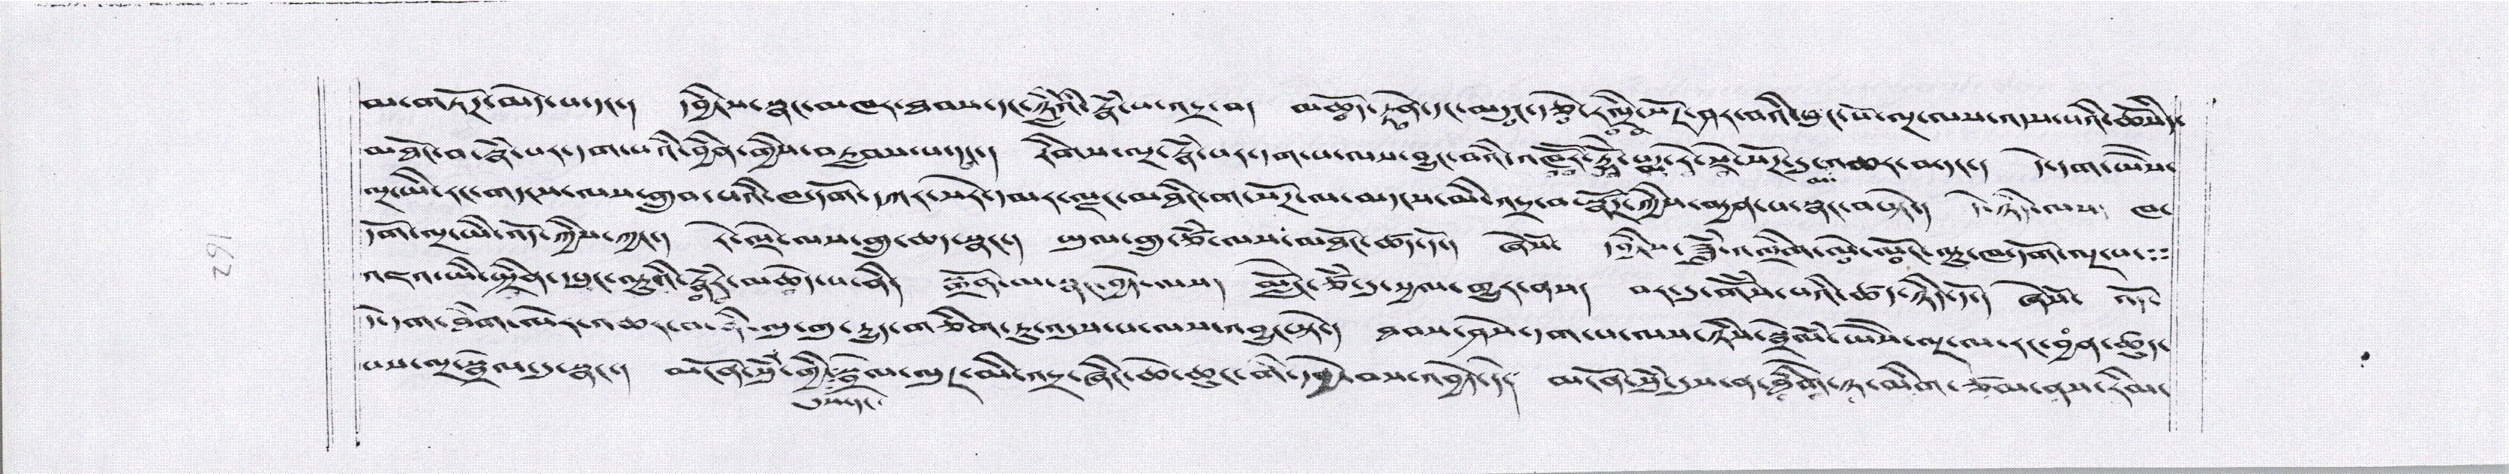མ་གཏོགས་མེད་པ་དང་། དབྱིངས་སྣང་མཁར་ཐབས་དང་ཉི་ཟླའི་རྣམ་པ་འདྲ་བ། མཆོད་རྟེན་དང་མདུང་རྩེ་རལ་གྲི་སོགས་ཤར་བའི་ཕུང་པོ་ལྔ་ལས་འདས་པའི་ཆོས་ཉིད་
མཐོང་བ་རྣམ་པར་དག་པའི་བྱིན་གྱིས་བརླབས་པ་དང་། རིགས་ལྔ་རྣམ་པར་དག་པ་ལས་བྱུང་བའི་འཁོར་ལོ་རྡོ་རྗེ་པདྨ་རེ་ལྡེ་སོགས་སུ་འཆར་བ་དང་། དེ་དག་ཡེ་ཤེས་
ལྔ་ཡི་རང་གདངས་ལས་གྲུབ་པའི་ཁ་དོག་དཀར་སེར་དམར་ལྗང་མཐིང་ག་སོགས་ལ་མདང་མི་འདྲ་བ་སྣ་ཚོགས་ཀྱིས་བརྒྱན་པ་སྣང་བ་སྟེ། དེ་ཉིད་ལས། ཁ་
དོག་ལྔ་ཡི་འོད་ཀྱིས་ཀྱང་། རེ་ལྡེ་ལས་གྲུ་ཆད་སྣང་། ཡུལ་གྲུ་ཙམ་ལས་མཐོང་ཚད་དོ། དབྱིངས་ཟླུམ་འགྲིག་མེ་ལོང་ལྟ་བུ་ཁ་དོག་ལྔ་པ། 
འཇའ་ཡི་སྤྲིན་དཔུང་ལྟ་བུའི་རྣམ་པར་མཆེད་པ་ནི། སྒྲོན་མ་སྣང་བྱེད་ལས། མེ་ལོང་ཙམ་དུ་གསལ་གྱུར་ནས། བར་དུ་གོམས་པའི་ཚད་ཉིད་དོ། འོད་
དེ་དག་ཐིག་ལེར་འཆར་བ་ནི་ལུ་གུ་རྒྱུད་གཅིག་ཏུ་འདུས་པ་ལས་འབྱུང་སྟེ། ཐབས་ཤེས་དག་པ་ལས་ཉིས་སྦྲེལ་ལམ་ཡེ་ཤེས་ལྔ་ལ་རང་བྱན་ཆུད་
པས་ལྔ་སྦྲེལ་དུ་སྣང་། མངོན་སུམ་གྱི་དུས་དང་སྦྲེལ་ལུགས་མི་འདྲ་ཞིང་ཆེ་ཆུང་གི་དབྱེ་བས་འབྱེད་དེ། མངོན་སུམ་དུས་ན་ཐིག་ལེ་ཉ་མིག་ཙམ་ནས་རིམ་